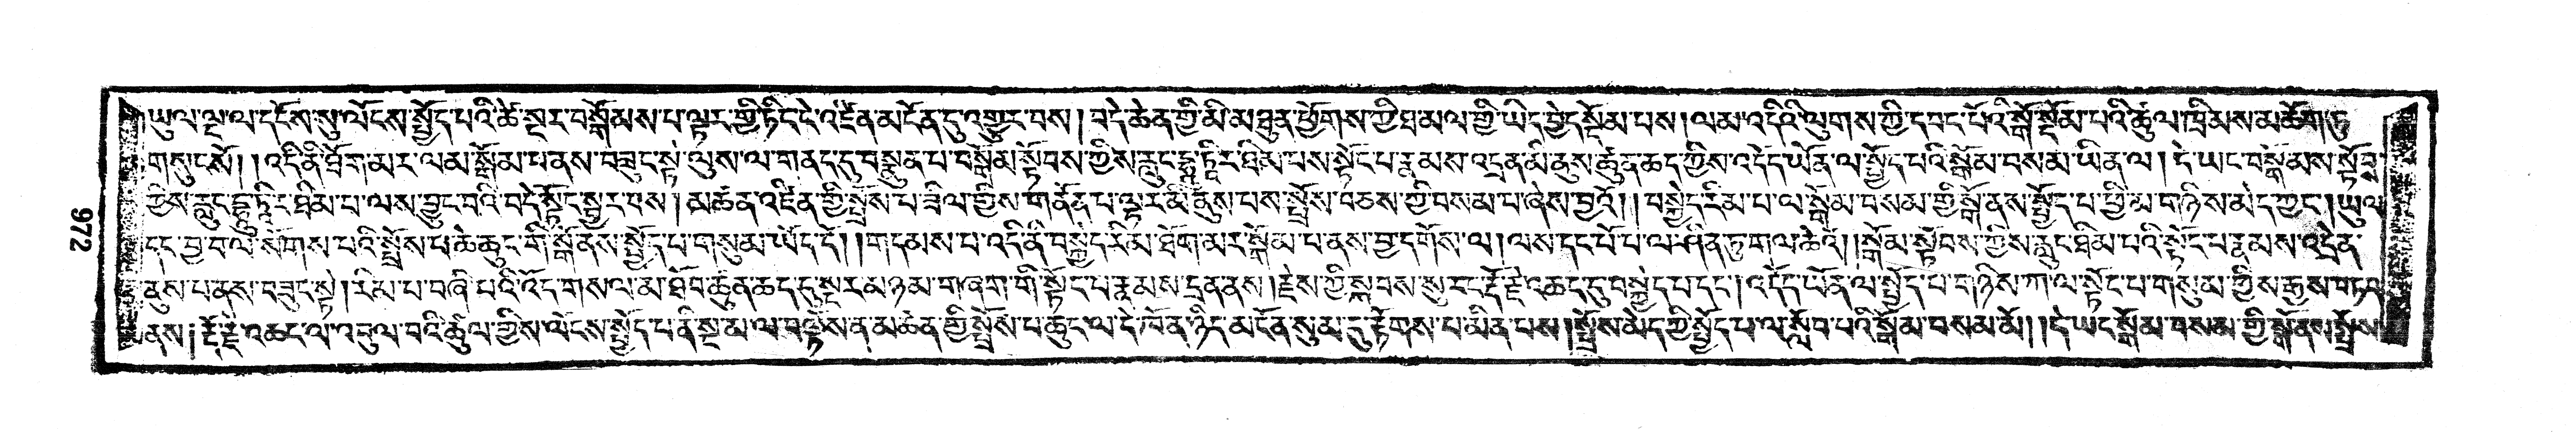ཡུལ་ལྔ་ལ་དངོས་སུ་ལོངས་སྤྱོད་པའི་ཚེ་སྔར་བསྒོམས་པ་ལྟར་གྱི་ཏིང་ངེ་འཛིན་མངོན་དུ་འགྱུར་བས། བདེ་ཆེན་གྱི་མི་མཐུན་ཕྱོགས་ཀྱི་ཐ་མལ་གྱི་ཡིད་བྱེད་སྡོམ་པས། ལམ་འདིའི་ལུགས་ཀྱི་དབང་པོའི་སྒོ་སྡོམ་པའི་ཚུལ་ཁྲིམས་མཆོག་ཏུ་
གསུངས་སོ། །འདི་ནི་ཐོག་མར་ལམ་སྒོམ་པ་ནས་བཟུང་སྟེ་ལུས་ལ་གནད་དུ་བསྣུན་པ་བསྒོམ་སྟོབས་ཀྱིས་རླུང་དྷཱུ་ཏཱིར་ཐིམ་པས་སྟོང་པ་རྣམས་འདྲེན་མི་ནུས་ཚུན་ཆད་ཀྱིས་འདོད་ཡོན་ལ་སྤྱོད་པའི་སྒོམ་བསམ་ཡིན་ལ། དེ་ཡང་བསྒོམས་སྟོབས་
ཀྱིས་རླུང་དྷཱུ་ཏཱིར་ཐིམ་པ་ལས་བྱུང་བའི་བདེ་སྟོང་སྦྱར་བས། མཚན་འཛིན་གྱི་སྤྲོས་པ་ཟིལ་གྱིས་གནོན་པ་ལྟར་མི་ནུས་པས་སྤྲོས་བཅས་ཀྱི་བསམ་པ་ཞེས་བྱའོ། །བསྐྱེད་རིམ་པ་ལ་སྒོམ་བསམ་གྱི་སྒོ་ནས་སྤྱོད་པ་ཕྱི་མ་གཉིས་མེད་ཀྱང་། ཡུལ་
དང་བྱ་བ་ལ་སོགས་པའི་སྤྲོས་པ་ཆེ་ཆུང་གི་སྒོ་ནས་སྤྱོད་པ་གསུམ་ཡོད་དོ། །གདམས་པ་འདི་ནི་བསྐྱེད་རིམ་ཐོག་མར་སྒོམ་པ་ནས་བྱ་དགོས་ལ། ལས་དང་པོ་པ་ལ་ཤིན་ཏུ་གལ་ཆེའོ། །སྒོམ་སྟོབས་ཀྱིས་རླུང་ཐིམ་པའི་སྟོང་པ་རྣམས་འདྲེན་
ནུས་པ་ནས་བཟུང་སྟེ། རིམ་པ་བཞི་པའི་འོད་གསལ་མ་ཐོབ་ཚུན་ཆད་དུ་སྔར་མཉམ་གཞག་གི་སྟོང་པ་རྣམས་དྲན་ནས། རྗེས་ཀྱི་སྐབས་སུ་རང་རྡོ་རྗེ་འཆང་དུ་བསྐྱེད་པ་དང་། འདོད་ཡོན་ལ་སྤྱོད་པ་གཉིས་ཀ་ལ་སྟོང་པ་གསུམ་གྱིས་རྒྱས་བཏབ་
ནས། རྡོ་རྗེ་འཆང་ལ་འབུལ་བའི་ཚུལ་གྱིས་ལོངས་སྤྱོད་པ་ནི་སྔ་མ་ལ་བལྟོས་ན་མཚན་གྱི་སྤྲོས་པ་ཆུང་ལ་དེ་ཁོ་ན་ཉིད་མངོན་སུམ་དུ་རྟོགས་པ་མིན་པས། སྤྲོས་མེད་ཀྱི་སྤྱོད་པ་ལ་སློབ་པའི་སྒོམ་བསམ་མོ། །དེ་ཡང་སྒོམ་བསམ་གྱི་སྒོ་ནས་སྤྲོས་